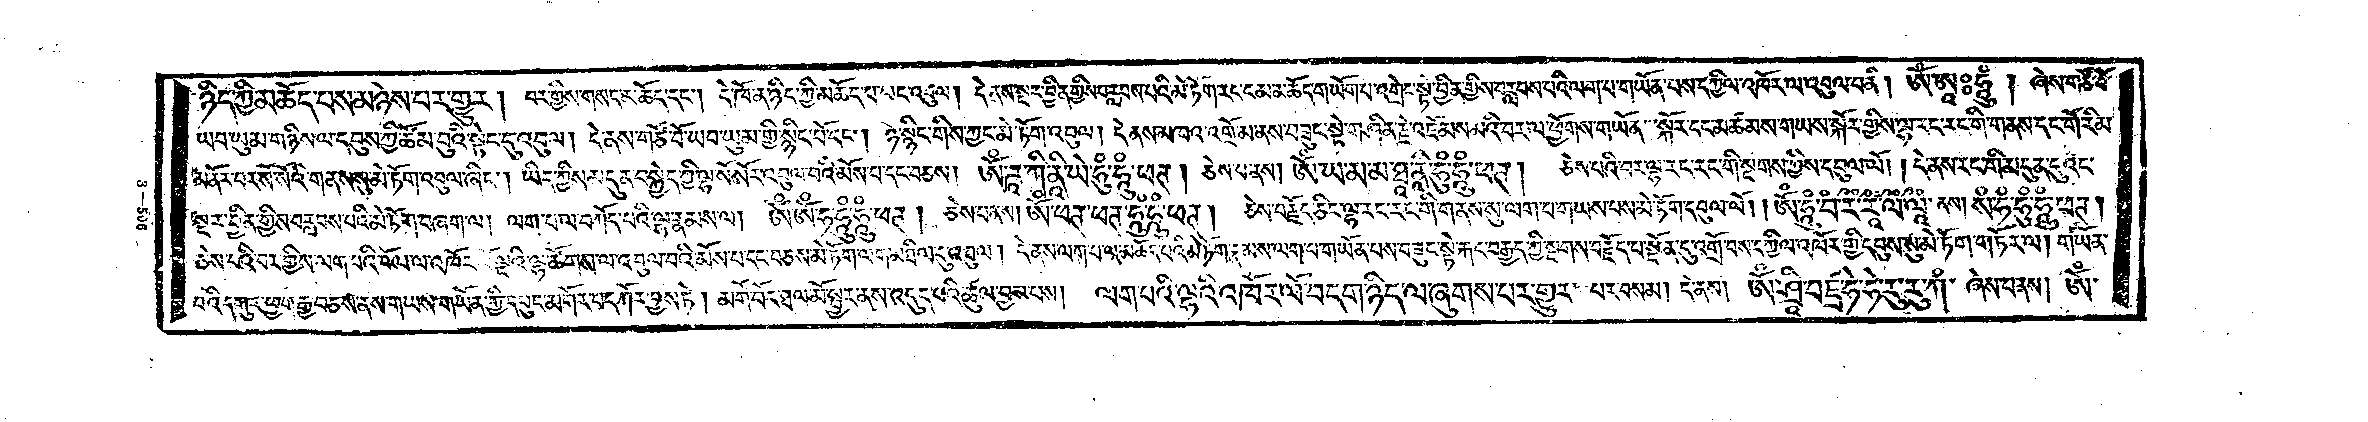ཉིད་ཀྱི་མཆོད་པས་མཉེས་པར་གྱུར། བར་གྱིས་གསད་ར་མཆོད་དང་། དེ་ཁོ་ན་ཉིང་ཀྱི་མཆོད་པ་བང་འབུལ། དེ་ནས་སྔར་བྱིན་གྱིས་བརླབས་པའི་མེ་ཏོག་རང་ངམ་མཆོད་གཡོག་པ་འགྲེང་སྟེ་བྱིན་གྱིས་བརླབས་པའི་ལག་པ་གཡོན་པས་དཀྱིལ་འཁོར་ལ་འབུལ་པ་ནི།  ཨོ྾་ཨཱཿཧཱུ྾། ཞེས་གཙོ་བོ་
ཡབ་ཡུམ་གཉིས་ལ་དབུས་ཀྱི་ཚོམ་བུའི་སྟེང་དུ་འབུལ། དེ་ནས་གཙོ་བོ་ཡབ་ཡུམ་གྱི་སྙིང་པོ་དང་། ཉེ་སྙིང་གིས་ཀྱང་མེ་ཏོག་འབུལ། དེ་ནས་མཁའ་འགྲོ་མ་ནས་བཟུང་སྟེ་གཤིན་རྗེ་འཇོམས་པའི་བར་ལ་ཕྱོགས་གཡོན་སྐོར་དང་མཚམས་གཡས་སྐོར་གྱིས་ལྷར་རང་རང་གི་གནས་དང་གོ་རིམ་
མ་ནོར་བར་སོ་སོའི་གནས་སུ་མེ་ཏོག་འབུལ་ཞིང་། ཡིད་ཀྱིས་མདུན་བསྐྱེད་ཀྱི་ལྷ་སོ་སོར་འབུལ་བའི་མོས་པ་དང་བཅས། ཨོ྾་ཌཱ་ཀྱི་ནཱི་ཡེ་ཧཱུ྾་ཧཱུ྾་ཕཊ། ཅེས་པ་ནས།  ཨོ྾་ཡ་མ་མ་ཐཱ་ནཱི་ཧཱུ྾་ཧཱུ྾་ཕཊ། ཅེས་པའི་བར་ལྷ་རང་རང་གི་སྔགས་ཀྱིས་དབུལ་ལོ། །དེ་ནས་རང་གི་མདུན་དུའང་
སྔར་བྱིན་གྱིས་བརླབས་པའི་མེ་ཏོག་བཞག་ལ། ལག་པ་ལ་བཀོད་པའི་ལྷ་རྣམས་ལ། ཨོ྾་ཨོ྾་ཧ་ཧཱུ྾་ཧཱུ྾་ཕཊ། ཅེས་པ་ནས། ཨོ྾་ཕཊ་ཕཊ་ཧཱུ྾་ཧཱུ྾་ཕཊ། ཅེས་བརྗོད་ཅིང་ལྷ་རང་རང་གི་གནས་སུ་ལག་པ་གཡས་པས་མེ་ཏོག་དབུལ་ལོ།  །ཨོ྾་ཧཱུ྾་བ྾་རི྾་ཏཱྀ྾་ལི྾་ལཱི྾་ནས།  ས྾་ཧ྾་ཧུ྾་ཧཱུ྾་ཕཊ།
ཅེས་པའི་བར་གྱིས་ལག་པའི་བོལ་ལ་འཁོར་ལོ་ལྔའི་ལྷ་ཚོགས་ལ་འབུལ་བའི་མོས་པ་དང་བཅས་མེ་ཏོག་ལག་མཐིལ་དུ་འབུལ། དེ་ནས་ལག་པ་ལ་མཆོད་པའི་མེ་ཏོག་རྣམས་ལག་པ་གཡོན་པས་བཟུང་སྟེ་རྐང་བརྒྱད་ཀྱི་སྔགས་བརྗོད་པ་སྔོན་དུ་འགྲོ་བས་དཀྱིལ་འཁོར་གྱི་དབུས་སུ་མེ་ཏོག་གཏོར་ལ། གཡོན་
པའི་དགུར་ཕྱག་རྒྱ་བཅས་ནས་གཡས་གཡོན་གྱི་དཔུང་མགོན་པད་ཀོར་བྱས་ཏེ། མགོ་བོར་ཐལ་མོ་སྦྱར་ནས་འདུད་པའི་ཚུལ་བྱས་པས། ལག་པའི་ལྷའི་འཁོར་ལོ་བདག་ཉིད་ལ་ཞུགས་པར་གྱུར་པར་བསམ། དེ་ནས།  ཨོ྾་ཤྲཱི་བཛྲ་ཧེ་ཧེ་རུ་རུ་ཀ྾་ཞེས་པ་ནས།  ཨོ྾་